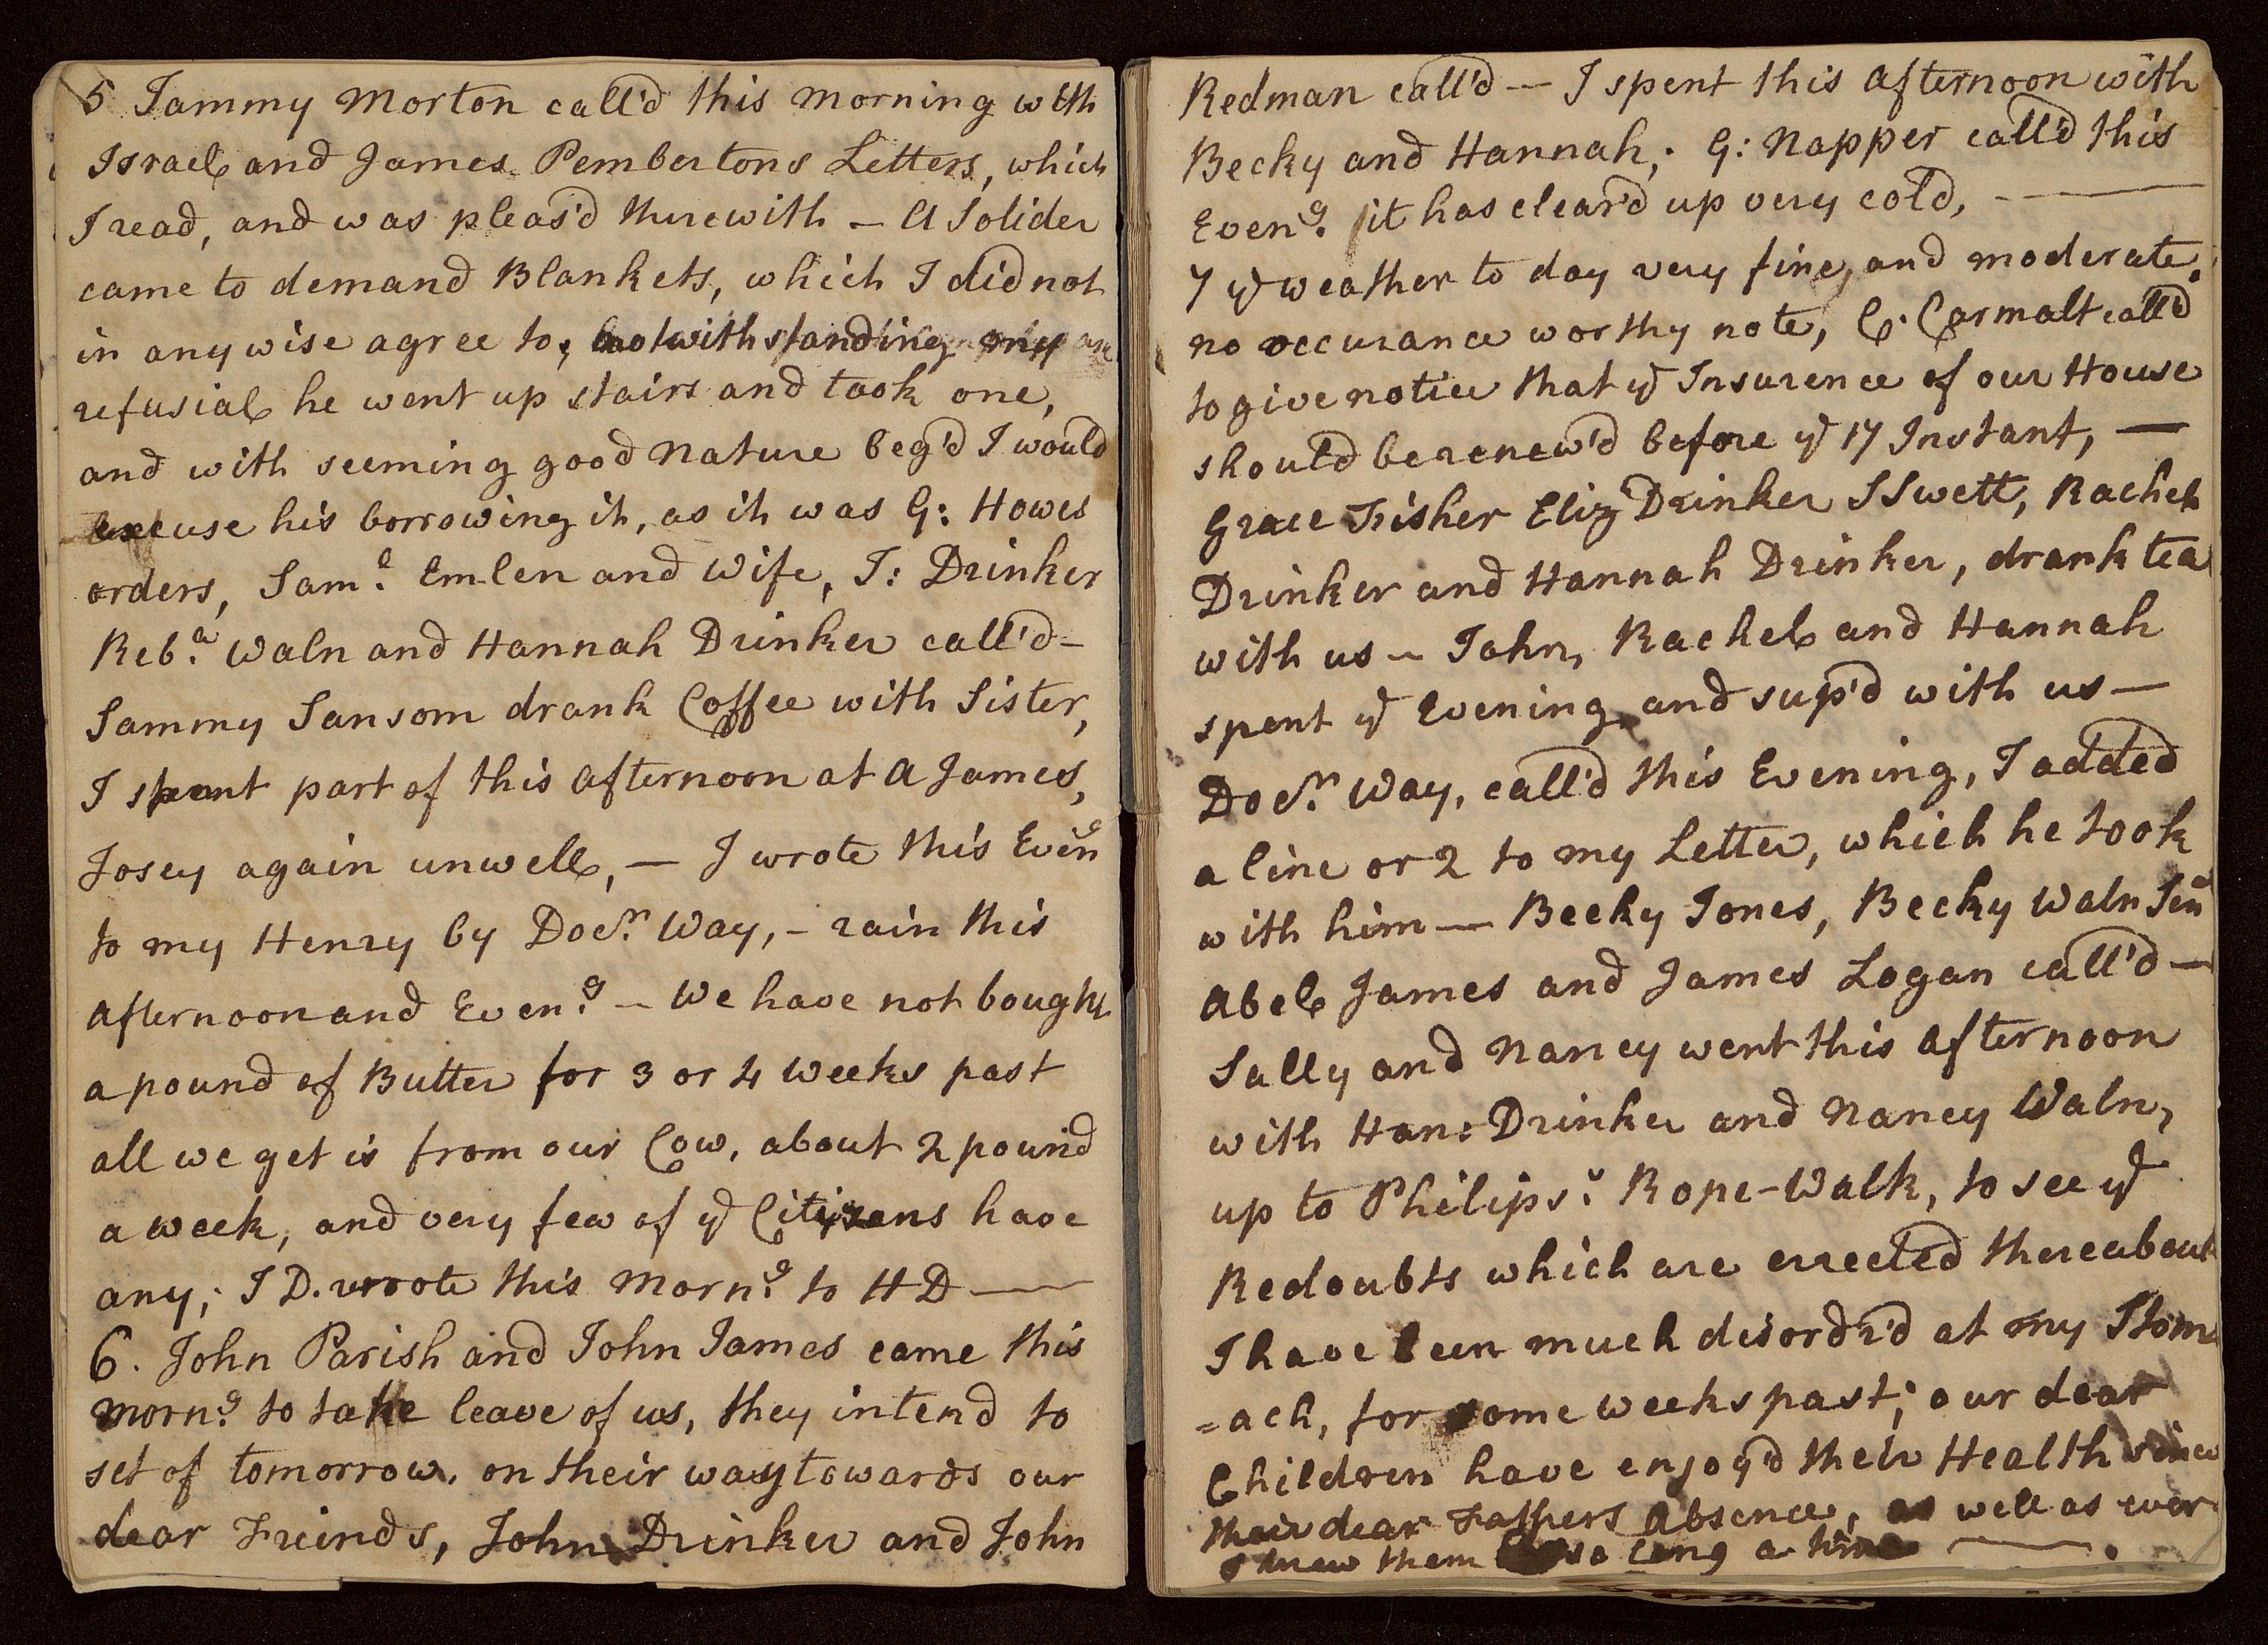5 Sammy Morton call'd this Morning with
Israel and James Pembertons Letters, which
I read and was pleas'd therewith- A Solider
came to demand Blankets, which I did not
in any wise agree to, notwithstanding my
refusial he went up stairs and took one,
and with seeming good Nature beg'd I would
excuse his borrowing it, as it was G: Howes
orders, Sam^l. Emlen and Wife, S: Drinker
Reb^a. Waln and Hannah Drinker call'd-
Sammy Sansom drank Coffee with Sister,
I spent part of this Afternoon at A James,
Josey again unwell- I wrote this Even^g
to my Henry by Doc^r. Way,- rain this
Afternoon and Even^g.- We have not bought
a pound of Butter for 3 or 4 weeks past
all we get is from our Cow, about 2 pound
a week, and very few of y^e Citizens have
any; SD wrote this morn^g. to HD -
6. John Parish and John James came this
morn^g. to take leave of us, they intend to
set of tomorrow, on their way towards our
dear Friends, John Drinker and John
Redman call'd- I spent this afternoon with
Becky and Hannah; G: napper call'd this
Even^g. it has clear'd up very cold, -
7 y^e weather to day very fine, and moderate.
no occurance worthy note, C. Carmalt call'd
to give notice that y^e Insurence of our House
should be renew'd before y^e 17 Instant,-
Grace Fisher Eliz Drinker S Swett, Rachel
Drinker and Hannah Drinker, drank tea
with us- John, Rachel and Hannah
spent y^e Evening and sup'd with us-
Doc^r. Way, call'd this Evening, I added
a line or 2 to my Letter, which he took
with him- Becky Jones, Becky Waln Sen^r
Abel James and James Logan call'd-
Sally and Nancy went this afternoon
with Han: Drinker and Nancy Waln,
up to Philips^s. Rope-Walk, to see y^e
Redoubts which are errected thereabout
I have been much dirodr'd at my Stom-
-ach, for some weeks past; our dear
Childrens have enjoy'd their Health since
their dear Fathers Absence, as well as ever
I knew them [___]s long a time